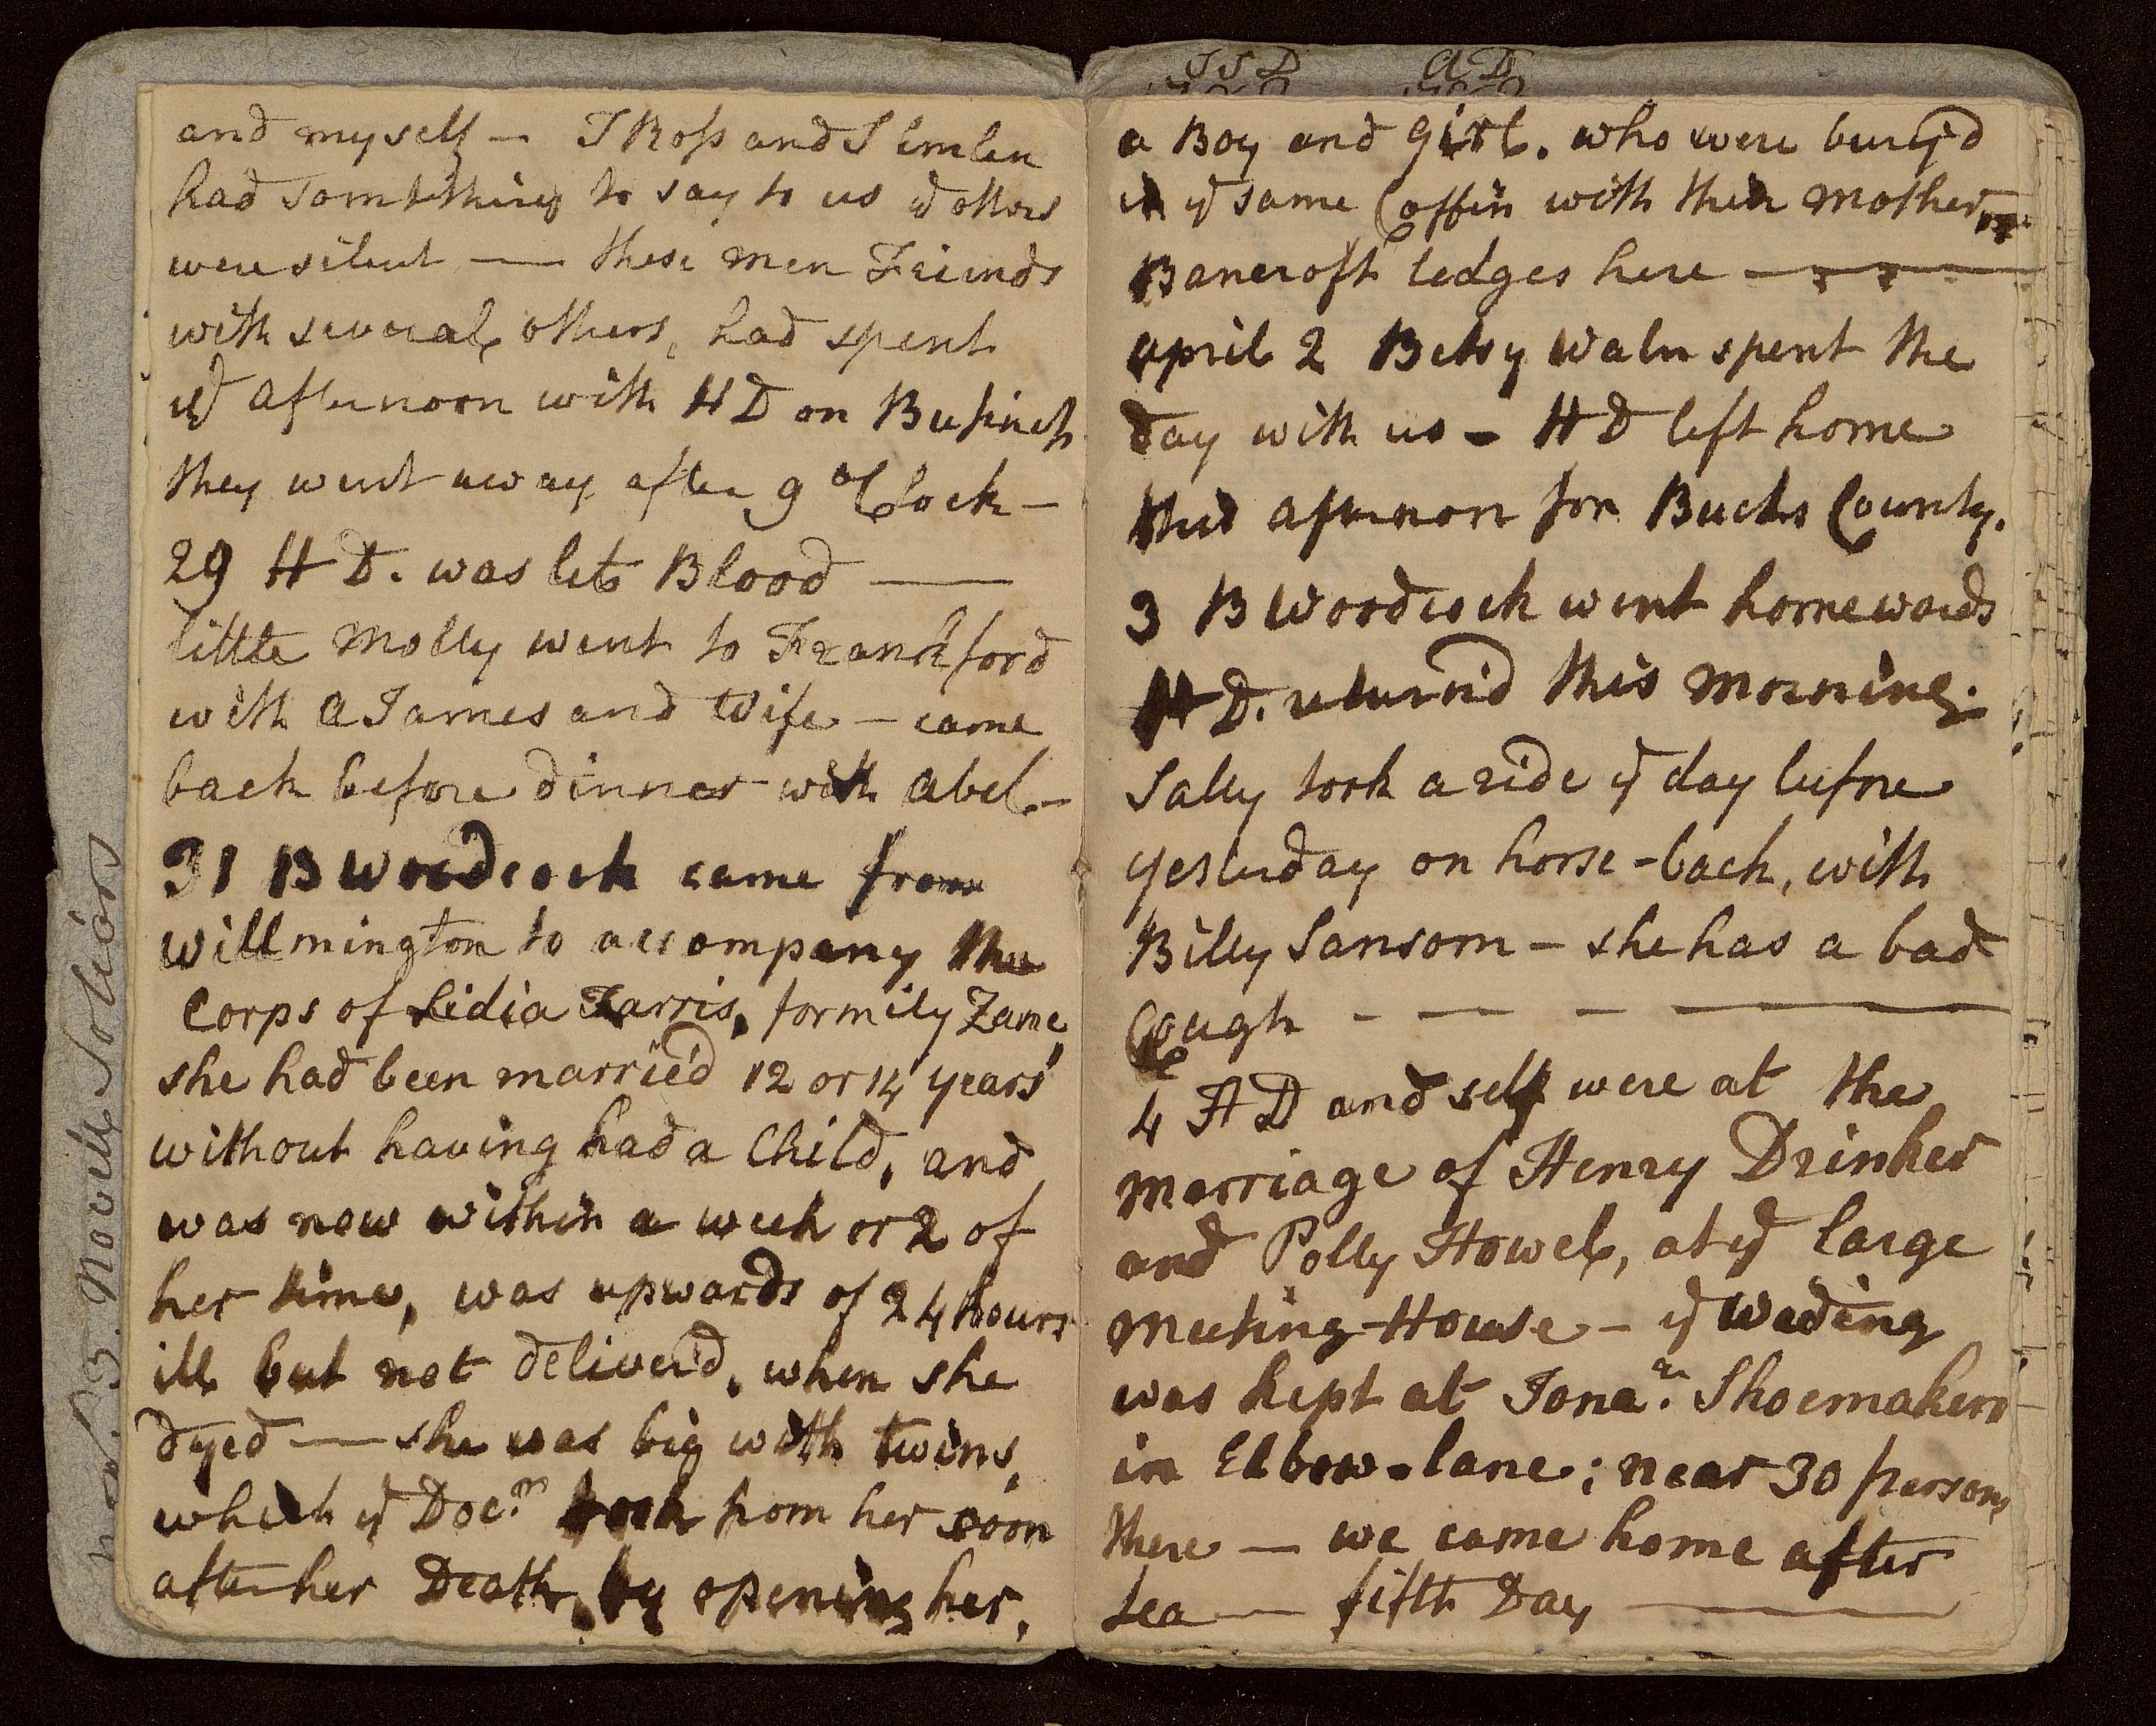and myself- T Ross and S Emlen
had something to say to us y^e others
were silent- these men Friends
with several others, had spent
y^e Afternoon with HD on Business
they went away after 9 ^oClock-
29 HD was let Blood-
little Molly went to Frankford
with A James and Wife- came
back before dinner with Abel-
31 B Woodcock came from
Willmington to accompany thee
Corps of Lidia Farris, formily Zane
she had been married 12 or 14 years'
without having had a Child, and
was now within a week or 2 of
her time, was upwards of 24 hours
ill but not deliver'd, when she
dyed- she was big with twins
which y^e Doc^r took from her soon
after her Death by opening her,
a Boy and Girl. who were bury'd
in y^e same Coffin with their Mother.
Bancroft lodges here-
April 2 Betsy Waln spent the
day with us- HD left home
this afternon for Bucks County.
3 B Wordcock went homewards
HD. return'd this morning.
Sally took a ride y^e day before
yesterday on horse-back, with
Billy Sansom- she has a bad
Cough----
4 HD and self were at the
Marriage of Henry Drinker
and Polly Howel, at y^e large
Meeting-House- y^e Wading
was kept at Jona^n. Shoemakers
in Elbow-lane; near 30 persons
there- we came home after
tea- fifth Day